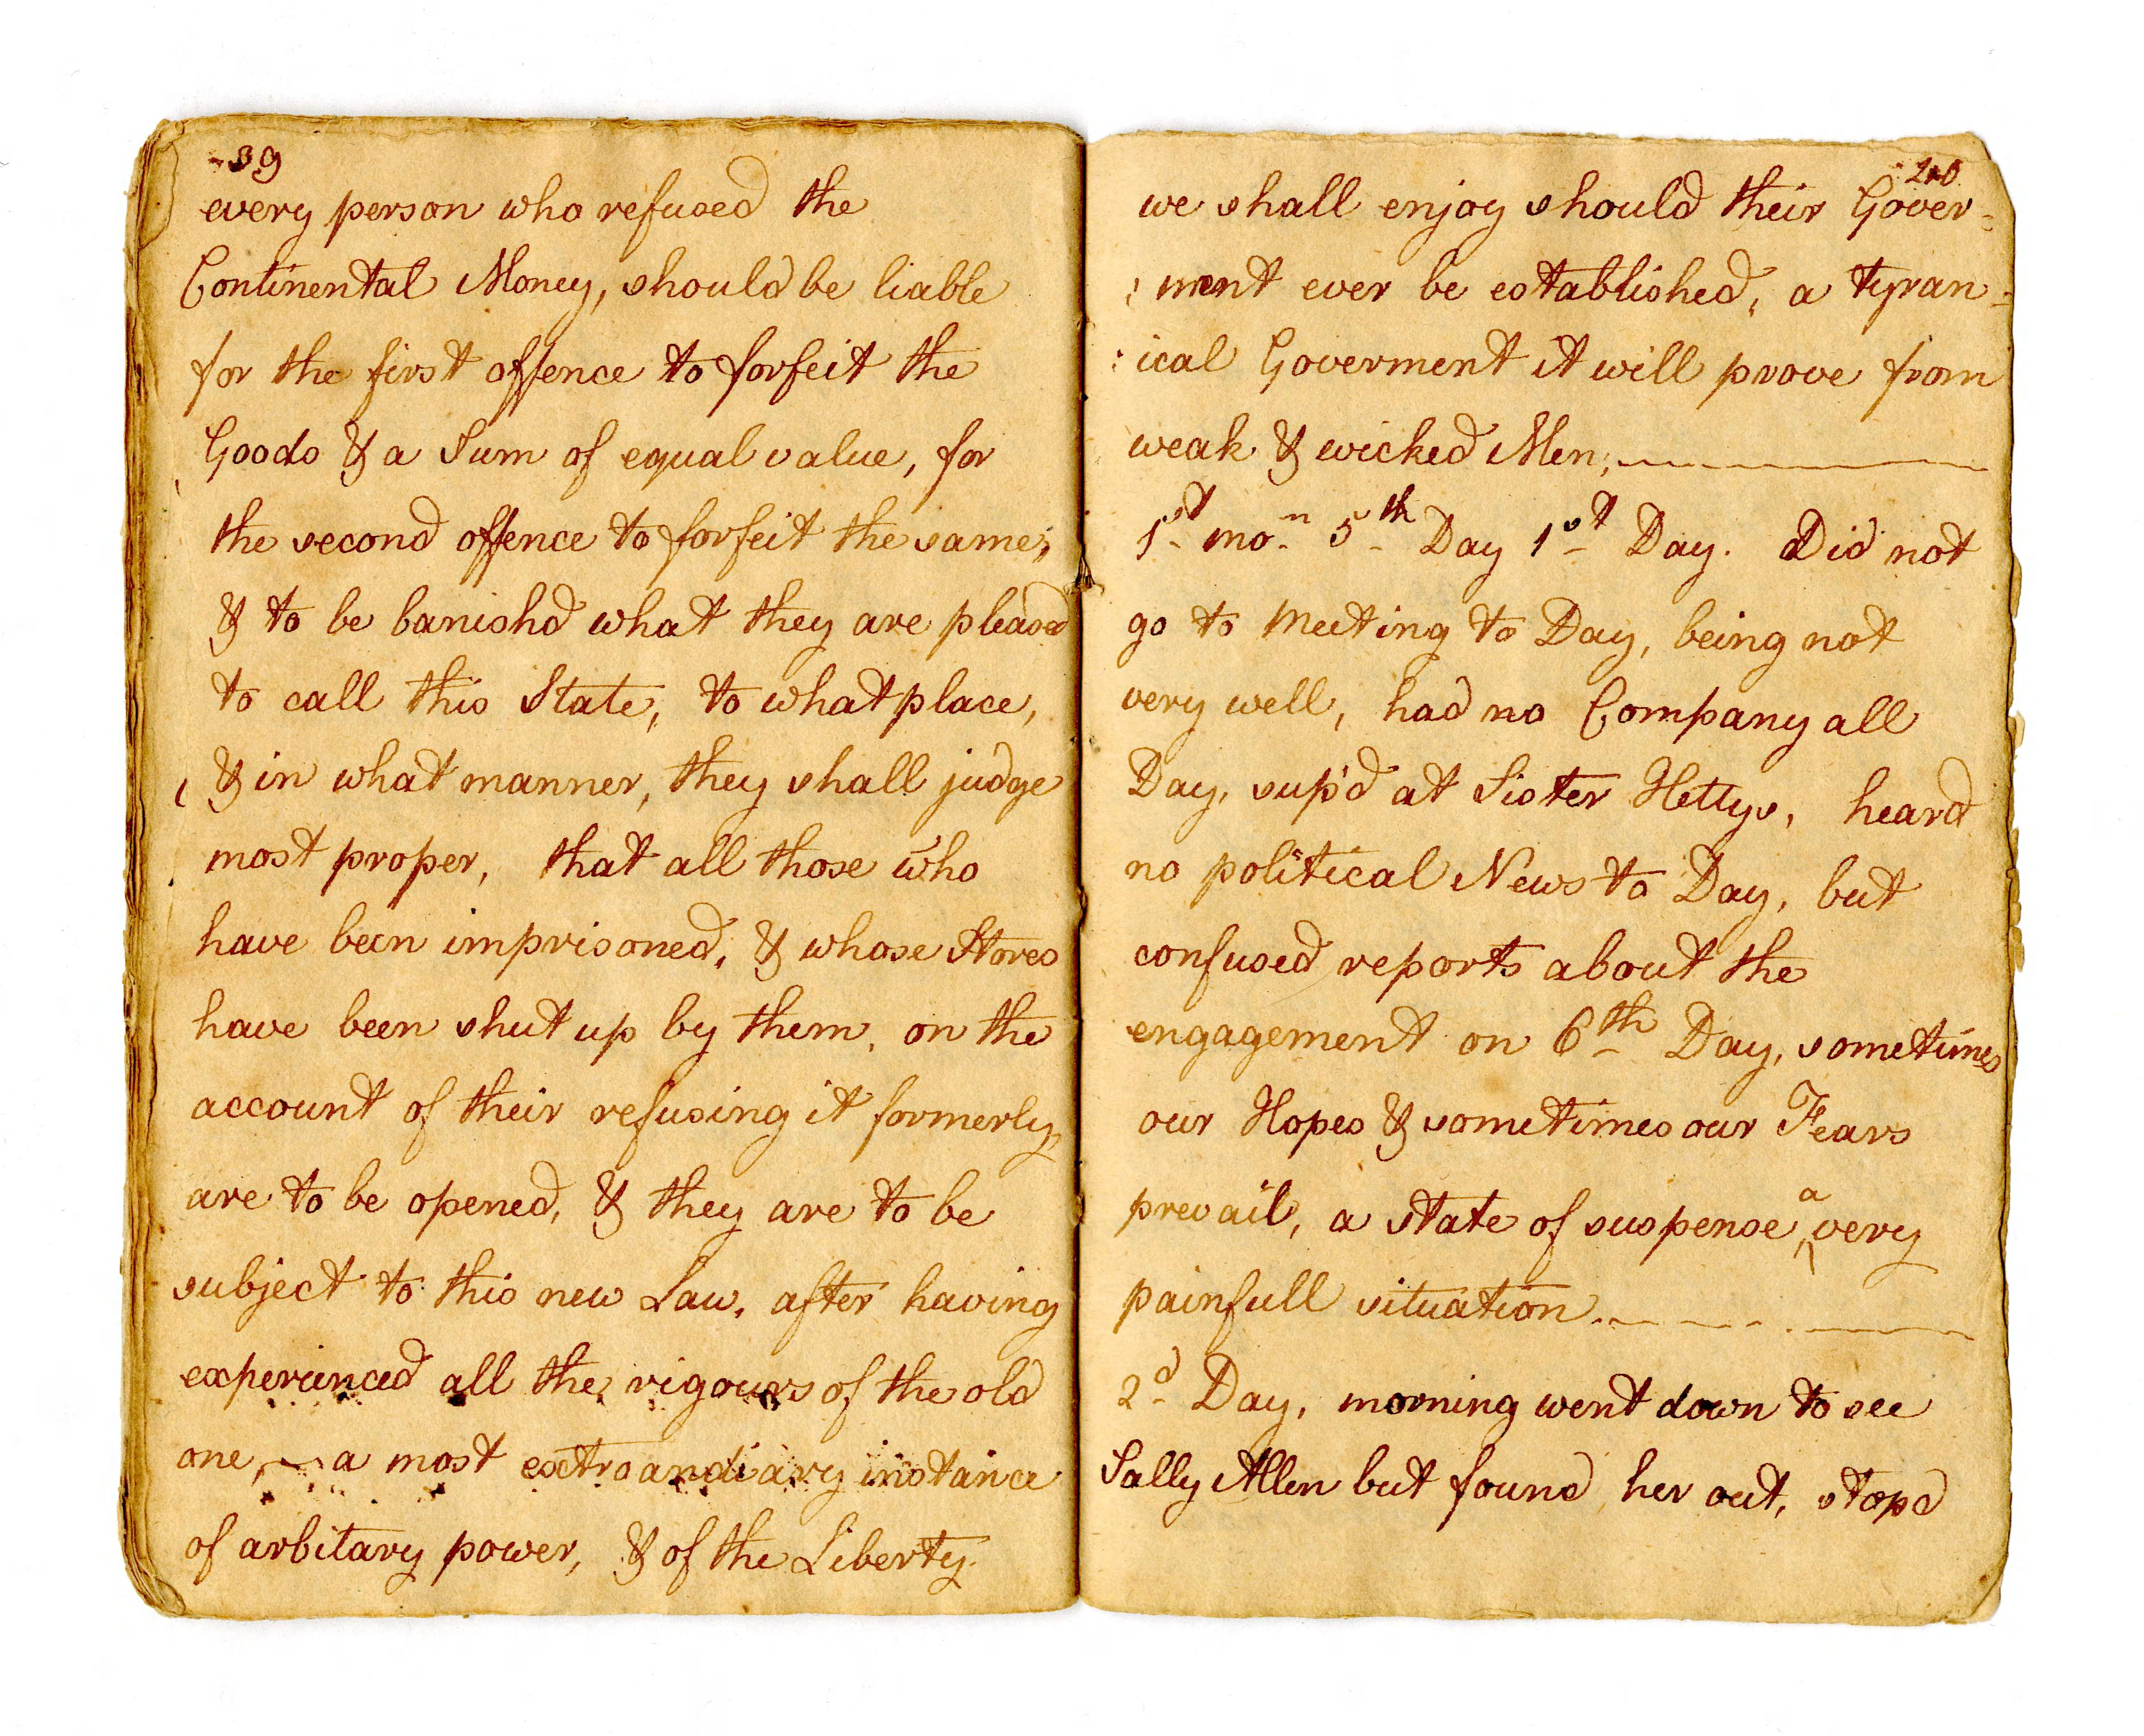39
every person who refused the
Continental Money, should be liable
for the first offence to forfeit the
Goods & a Sum of equal value, for
the second offence to forfeit the same,
& to be banished what they are pleased
to call this State, to what place,
& in what manner, they shall judge
most proper, that all those who
have been imprisoned, & whose Stores
have been shut up by them, on the
account of their refusing it formerly,
are to be opened, & they are to be
subject to this new Law, after having
experienced all the rigours of the old
one- a most extroandiary instance
of arbitrary power, & of the Liberty.
40
we shall enjoy should their Gover-
-ment ever be established, a tyran-
-ical Government it will prove from
weak & wicked Men,-
1^st mo^n 5^th Day 1^st Day. Did not
go to Meeting to Day, being not
very well, had no Company all
Day, sup'd at Sister Hettys, heard
no political News to Day, but
confused reports about the
engagement on 6^th Day, sometimes
our Hopes & sometimes our Fears
a
prevail, a state of suspense ^ very
painfull situation.
2^d Day, morning went down to see
Sally Allen but found her out, stopd